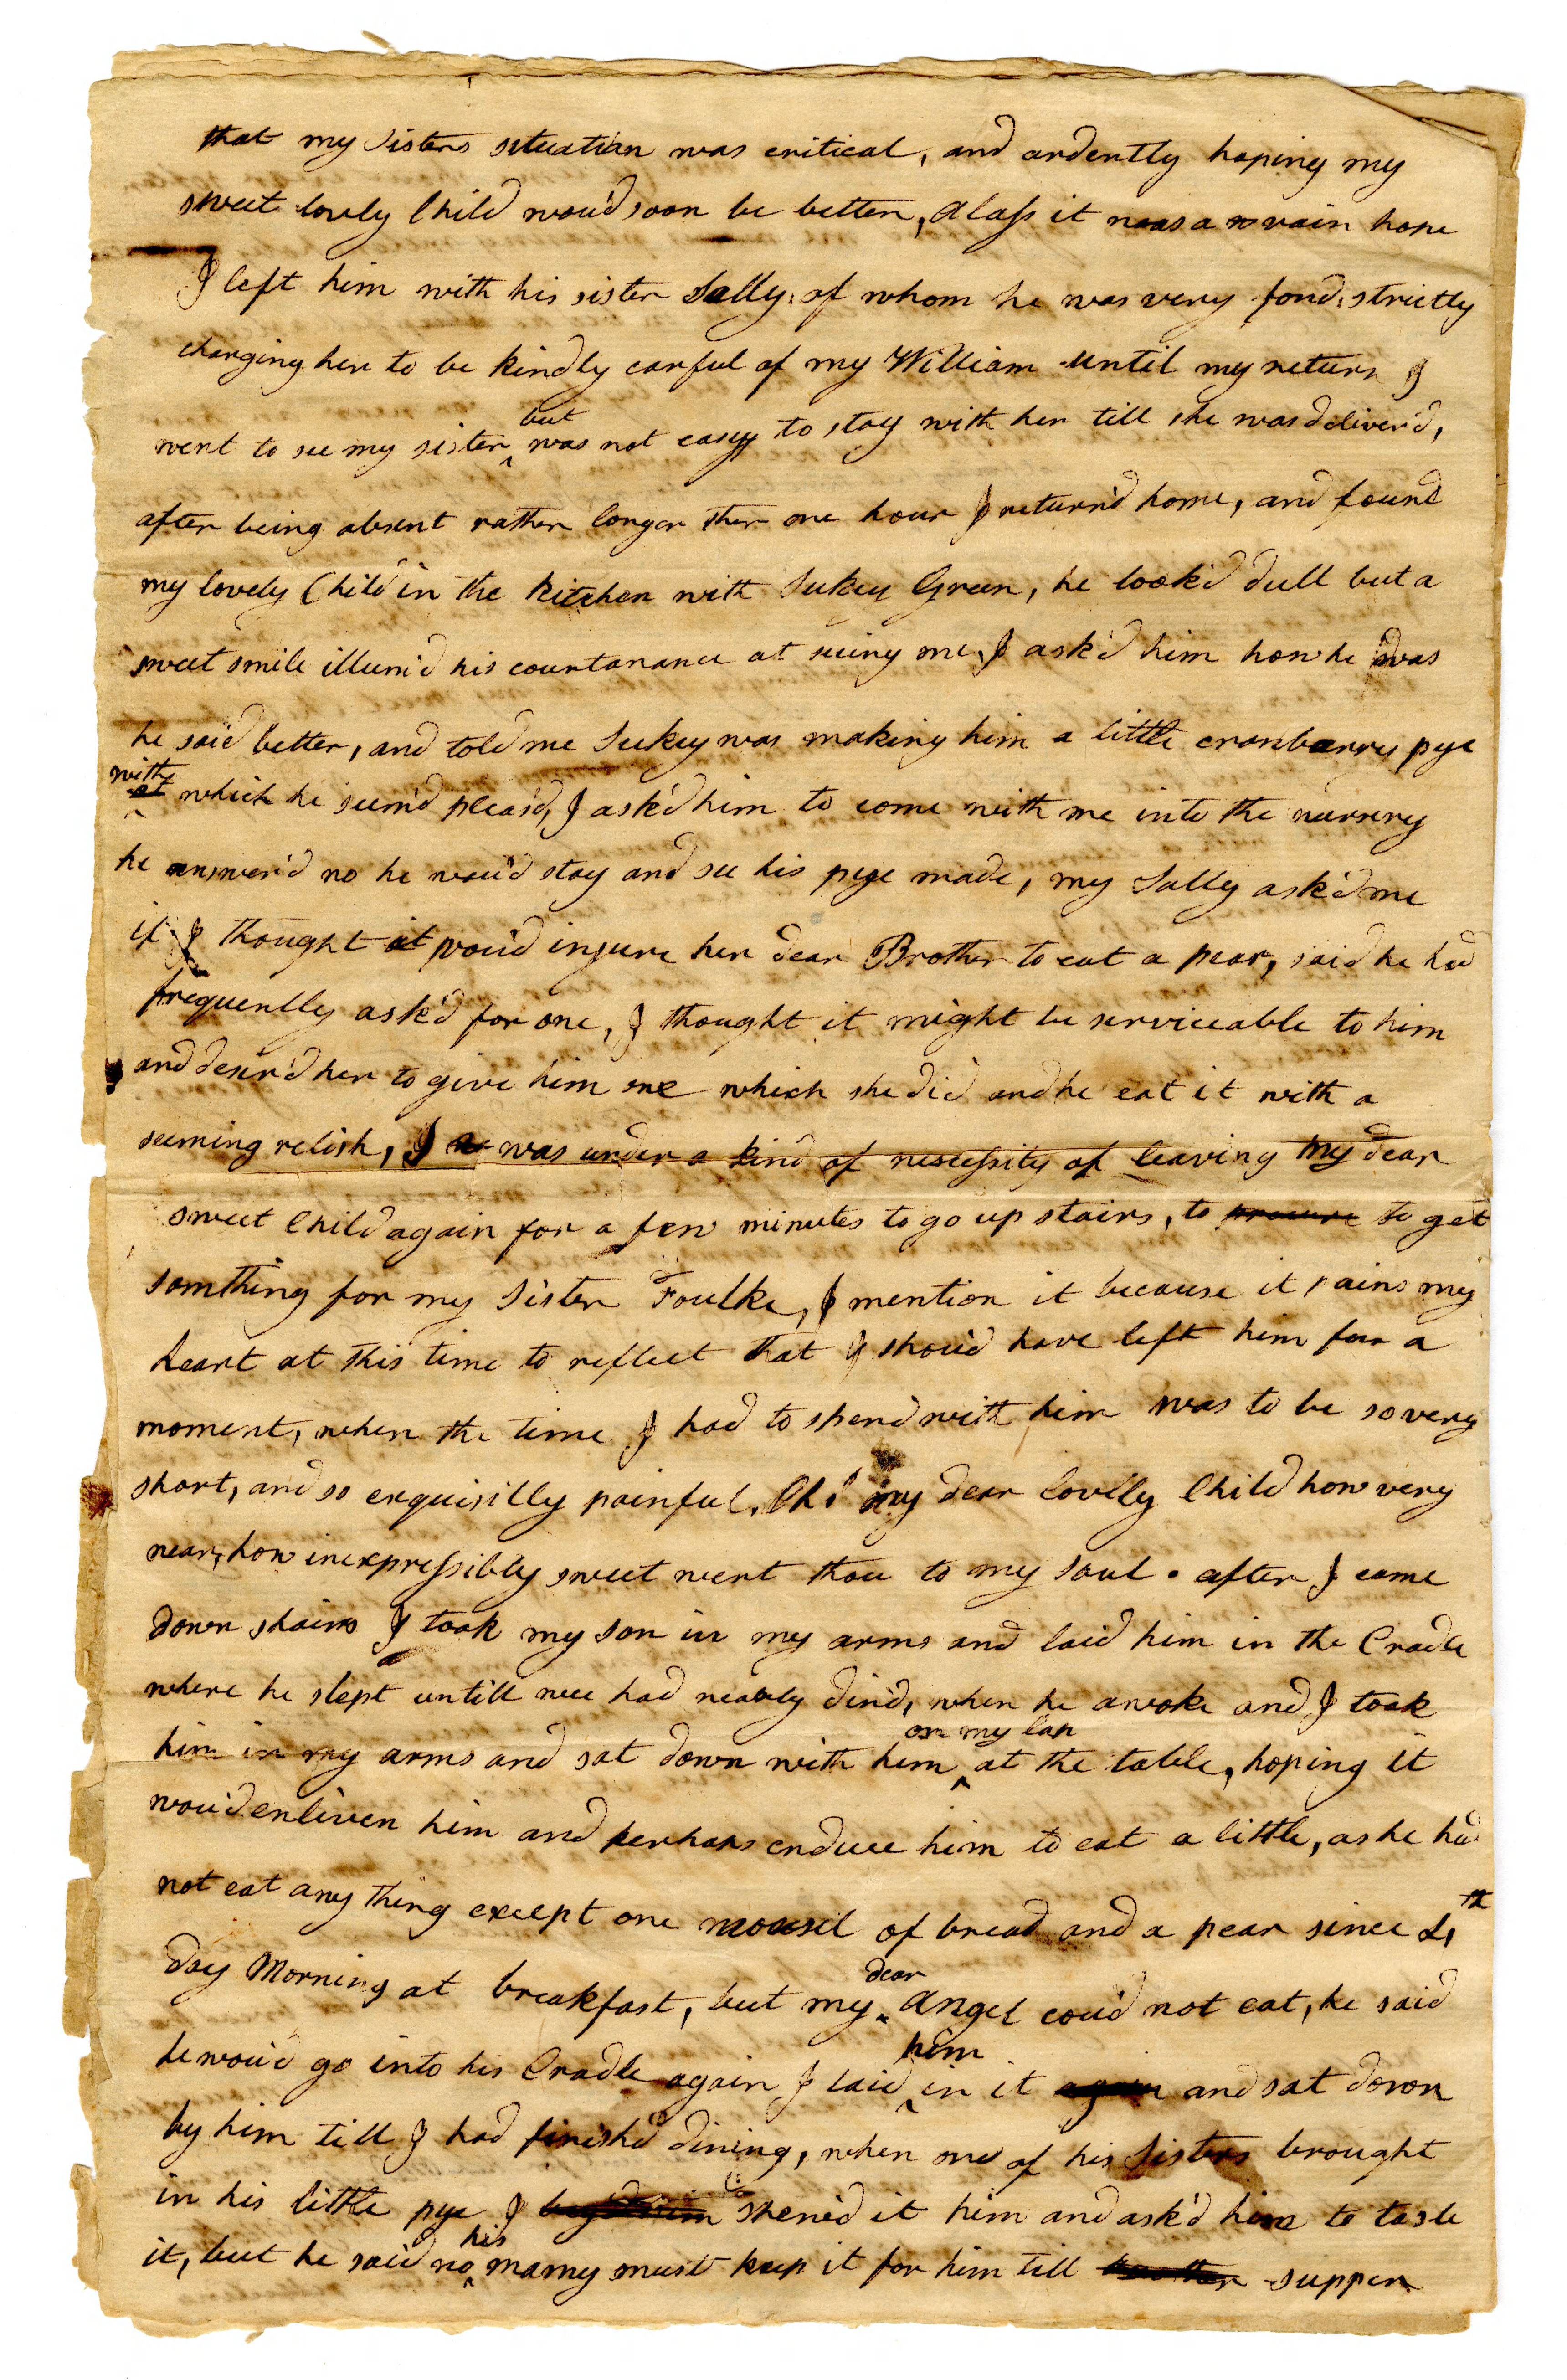that my sisters situation was critical, and ardently hoping my
sweet lovly child wou'd soon be better, Alass it was a vain hope
I left him with his sister Sally: of whom he was very fond, strictly
charging her to be kindly carful of my William until my return I
but
went to see my sister ^ was not easy to stay with her till she was deliver'd,
after being absent rather longer than one hour I return'd home, and found
my lovely Child in the kitchen with Sukey Green, he look'd dull but a
sweet smile illum'd his countanance at seeing one, I ask'd him how he was
he said better, and told me Sukey was making him a little cranberry pye
with
^ [at] which he seem'd pleas'd, I ask'd him to come with me into the nursery
he answer'd no he wou'd stay and see his pye made, my Sally ask'd me
if I thought it wou'd injure her dear Brother to eat a pear, said he had
frequently ask'd for one, I thought it might be serviceable to him
and desir'd her to give him one which she did and he eat it with a
seeming relish, I [_] was under a kind of nescessity of leaving my dear
sweet Child again for a few minutes to go up stairs, to [procure] to get
something for my sister Foulke, I mention it because it pains my
heart at this time to reflect that I shou'd have left him for a
moment, when the time I had to spend with him was to be so very
short, and so exquisitly painful, my dear lovely Child how very
near, how inexpressibly sweet wert thou to my soul. after I came
down stairs I took my son in my arms and laid him in the Cradle
where he slept until wee had nearly din'd, when he awoke and I took
on my lap
him in my arms and sat down with him ^ at the table, hoping it
wou'd enliven him and perhaps endure him to eat a little, as he had
not eat any thing except one morsel of bread and a pear since 4^th
dear
day Morning at breakfast, but my ^ angel cou'd not eat, he said
him
he wou'd go into his Cradle again I laid ^ in it [again] and sat down
by him till I had finishd dining, when one of his Sisters brought
in his little pye I [beg'd him] shew'd it him and ask'd him to taste
his
it, but he said no ^ mamy must keep it for him till [________] supper